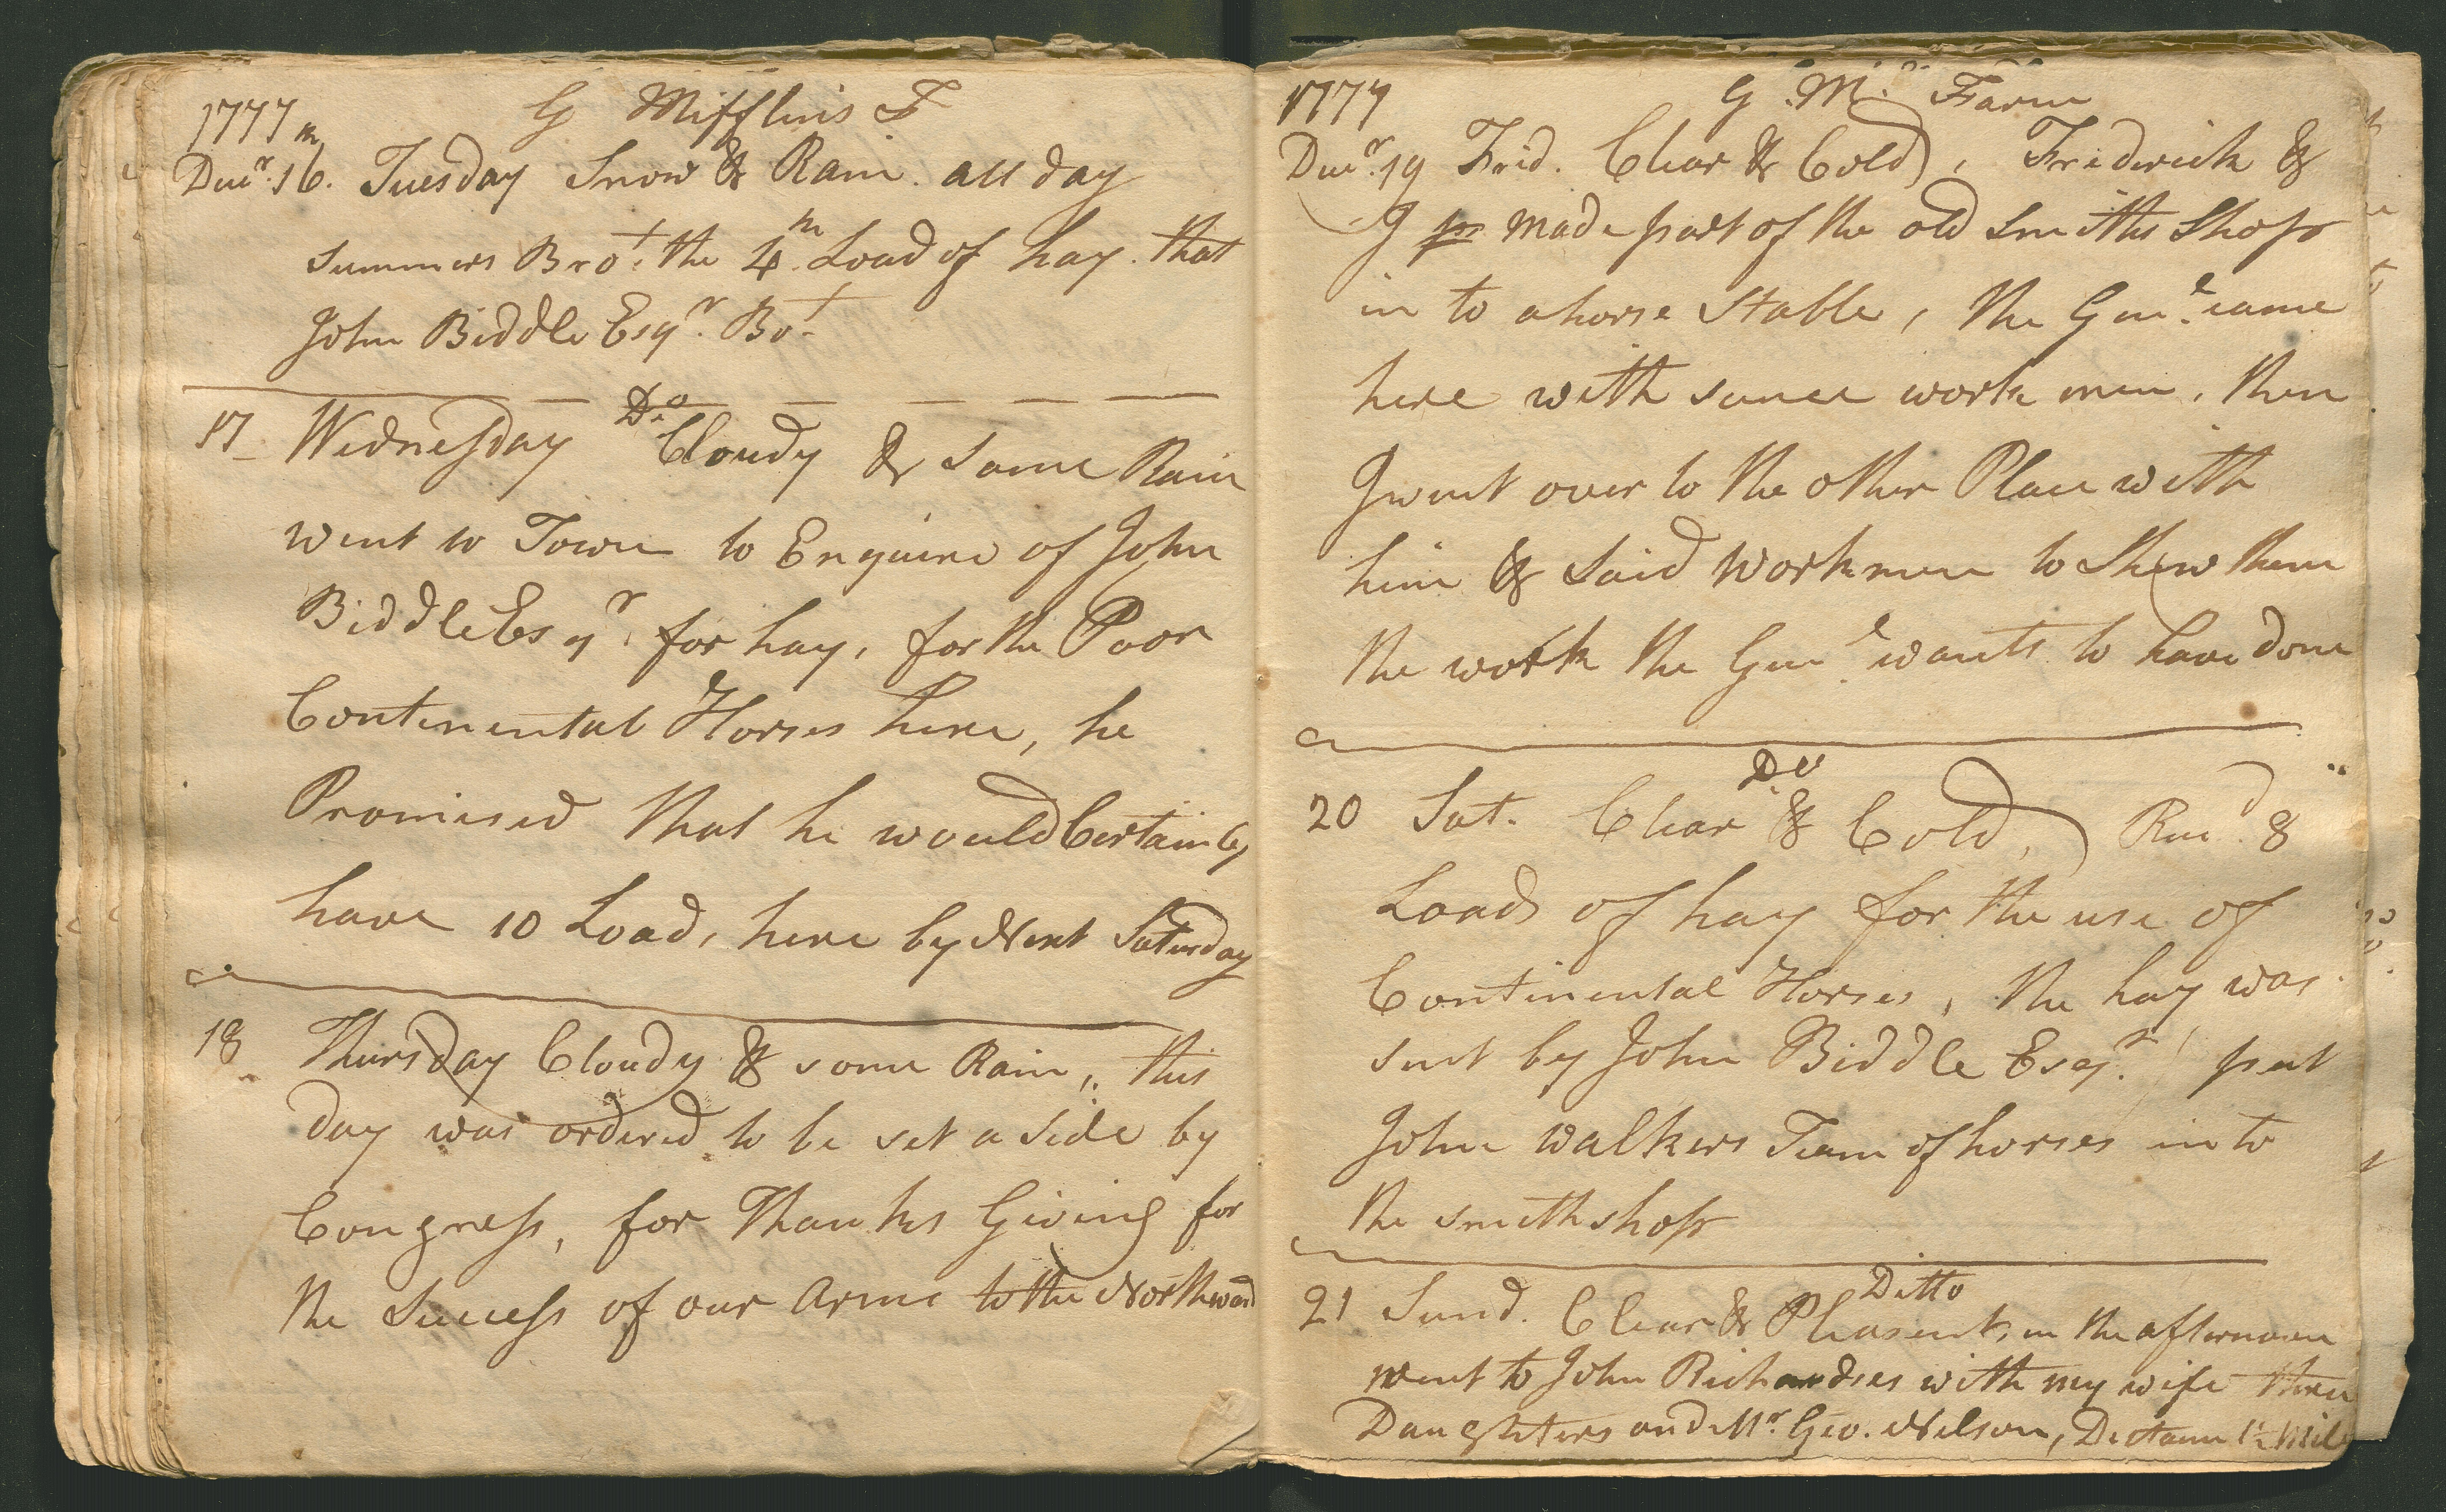1777
G Mifflins F
Dec^r. 16^th. Tuesday Snow & Rain. all day
Summers Bro^t. the 4^th. Load of hay that
John Biddle Esq^r. Bo^t.
D^o.
17 Wednesday Cloudy & some Rain
went to Town to Enquine of John
Biddle Esq^r. for hay, for the Poor
Continental Horses here, he
Promised that he would Certainly
have 10 Load, here by Next Saturday
18 Thursday Cloudy & some Rain, this
day was ordered to be set a side by
Congress for Thanks Giving for
the suceess of our Arms to the Northward
1777
G. M. Farm
Dec^r. 19 Frid. Clear & Cold. Friderick &
I [_] made part of the old Smiths Shop
in to a horse Stable, the Gen^l. came
here with some work men, then
I went over to the other Plan with
him & Said Workmen to shew them
the work the Gen^l wants to have done
D^o.
20 Sat. Clear & Cold, Rec^d. 8
Loads of hay for the use of
Continental Horses, the hay was
sent by John Biddle Esq^r. put
John walkers Team of horses in to
the smith shop
Ditto
21 Sund. Clear & Pleasent, in the afternoon
went to John Richardses with my wife three
Daughters and M^r. Geo. Nelson, Distance 1 1/2 Mile